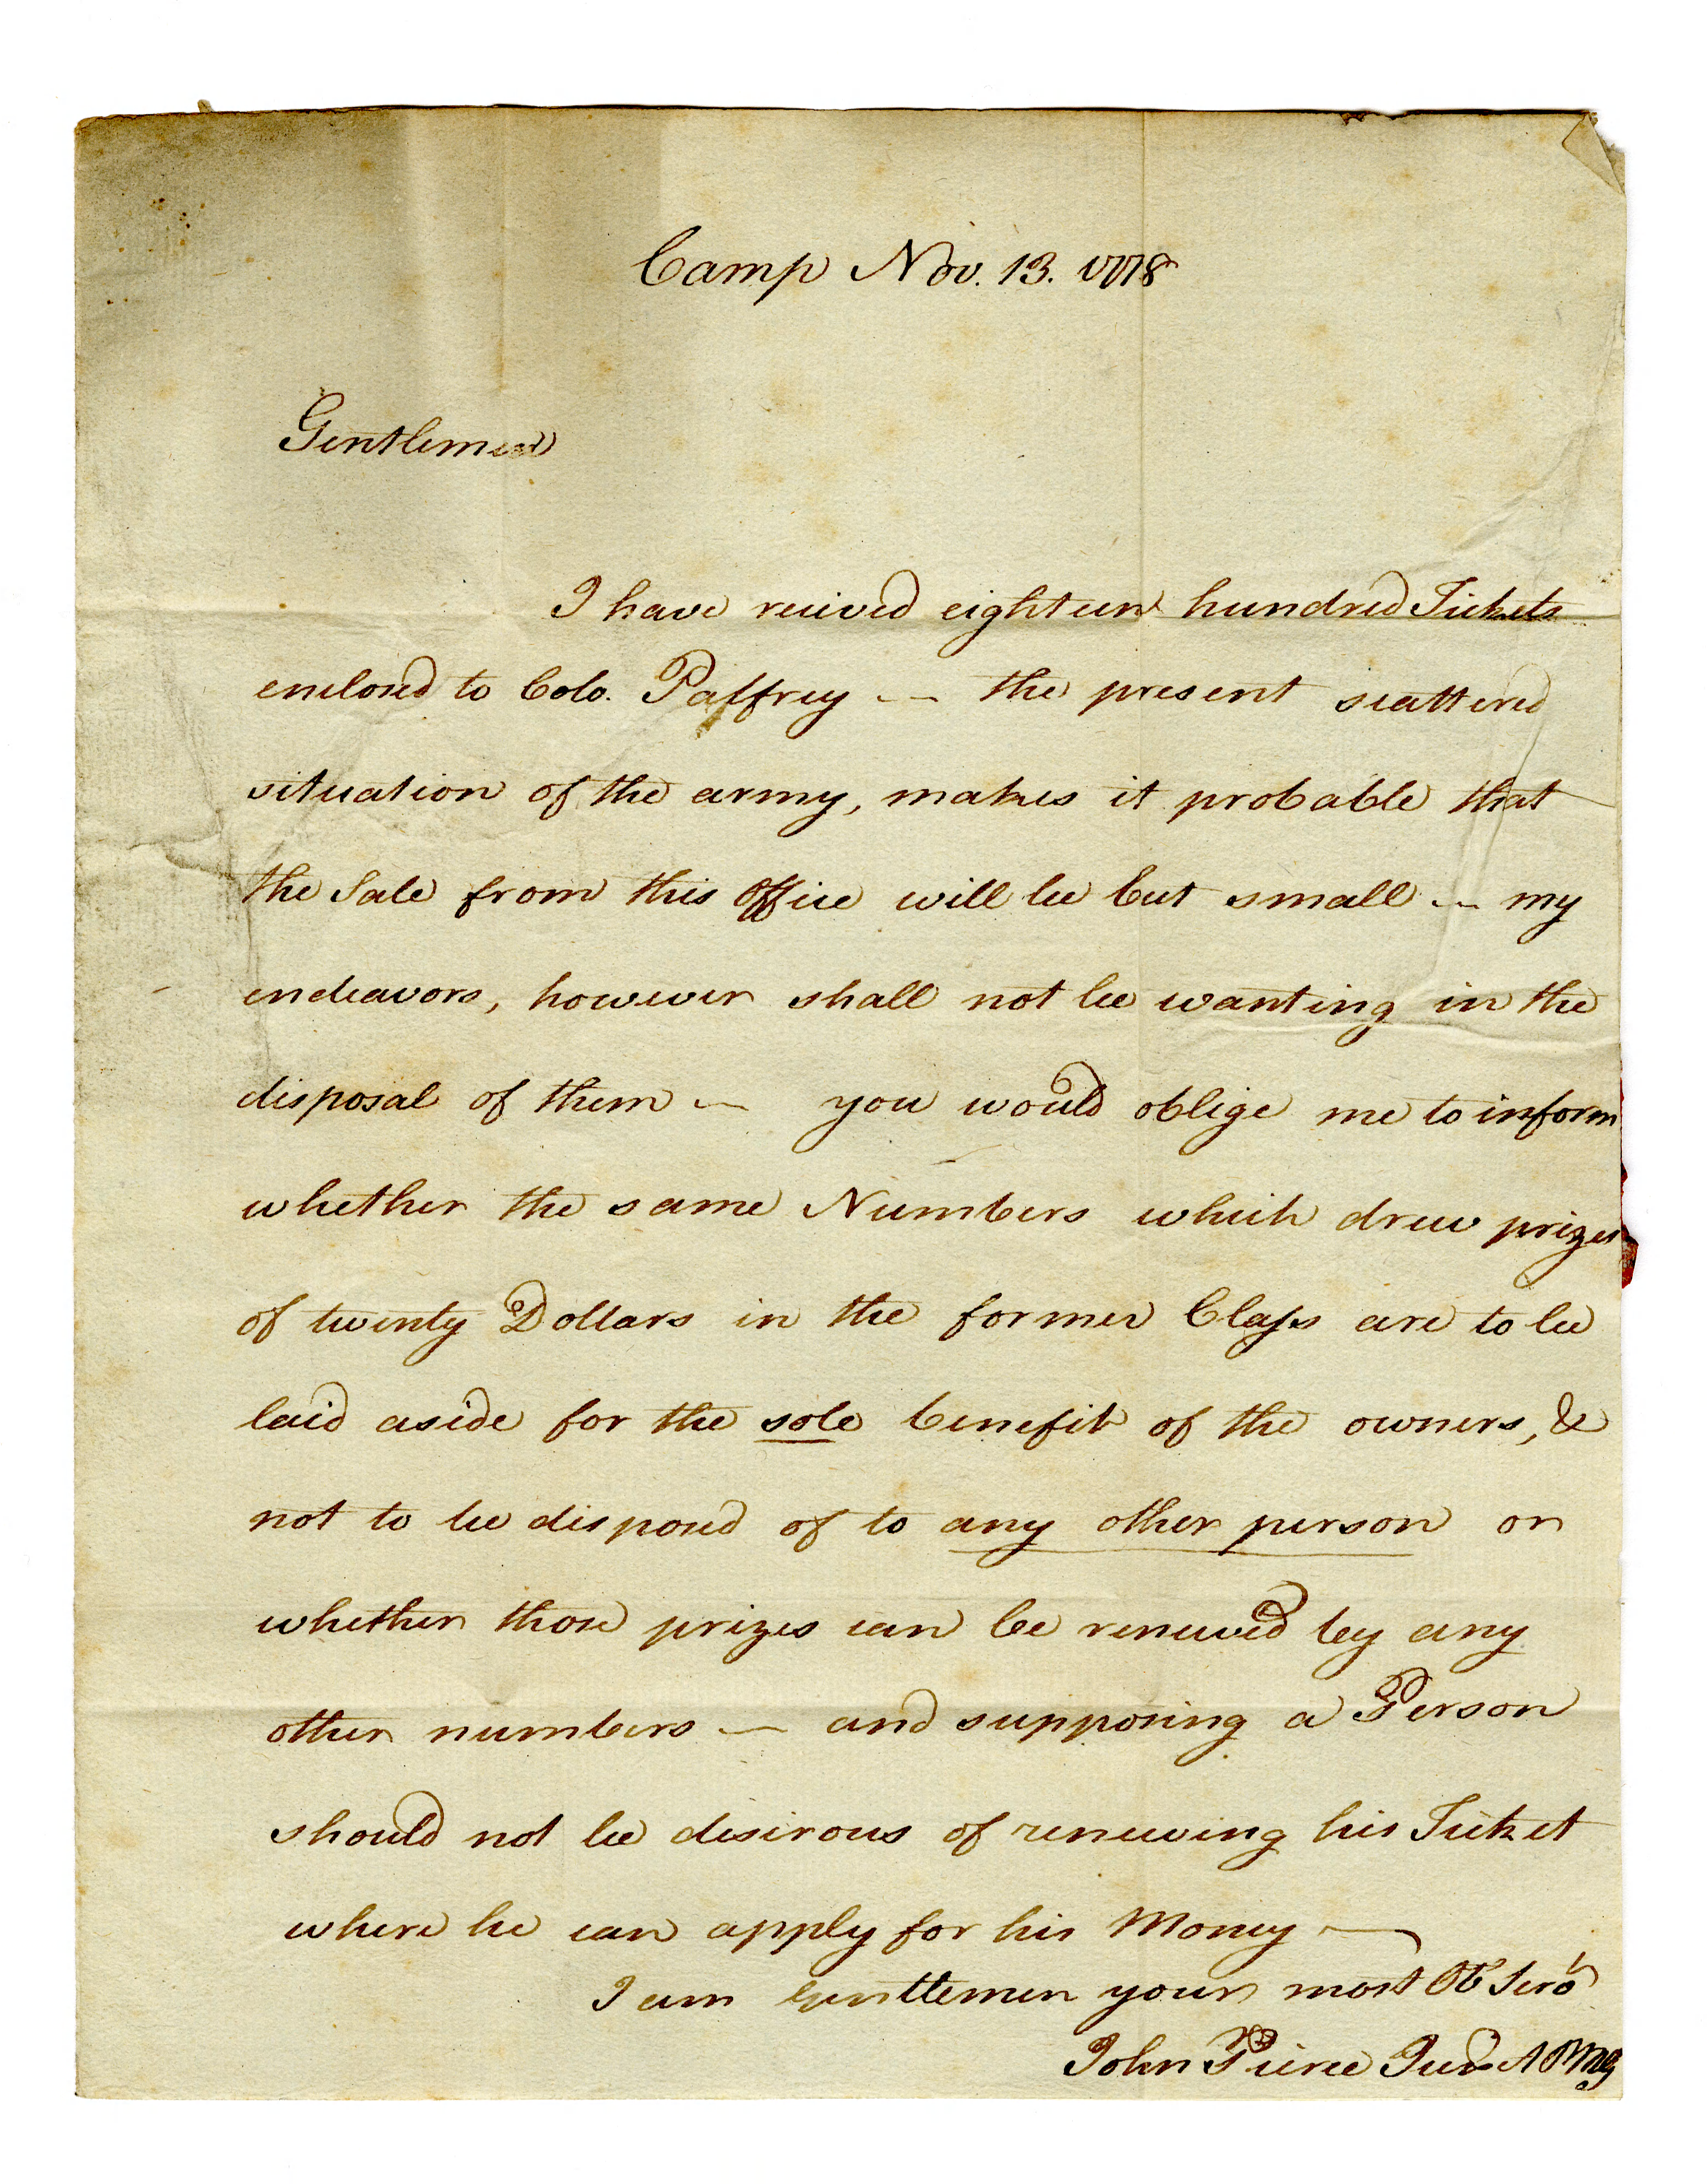Camp Nov. 13. 1778
Gentlemen
I have recived eighteen hundred Tickets
enclosed to Colo. Palfrey - the present scattered
situation of the army, makes it probable that
the sale from this office will be but small- my
endeavors, however shall not be wanting in the
disposal of them- you would oblige me to inform
whether the same Numbers which drew prizes
of twenty Dollars in the former Class are to be
laid aside for the sole benefit of the owners, &
not to be disposed of to any other person or
whether those prizes can be renewed by any
other numbers- and supposing a Person
should not be desirous of renewing his Ticket
where he can apply for his Money-
I am Gentlemen you most Ob Serv^t
John Pierce Jun^r APMG